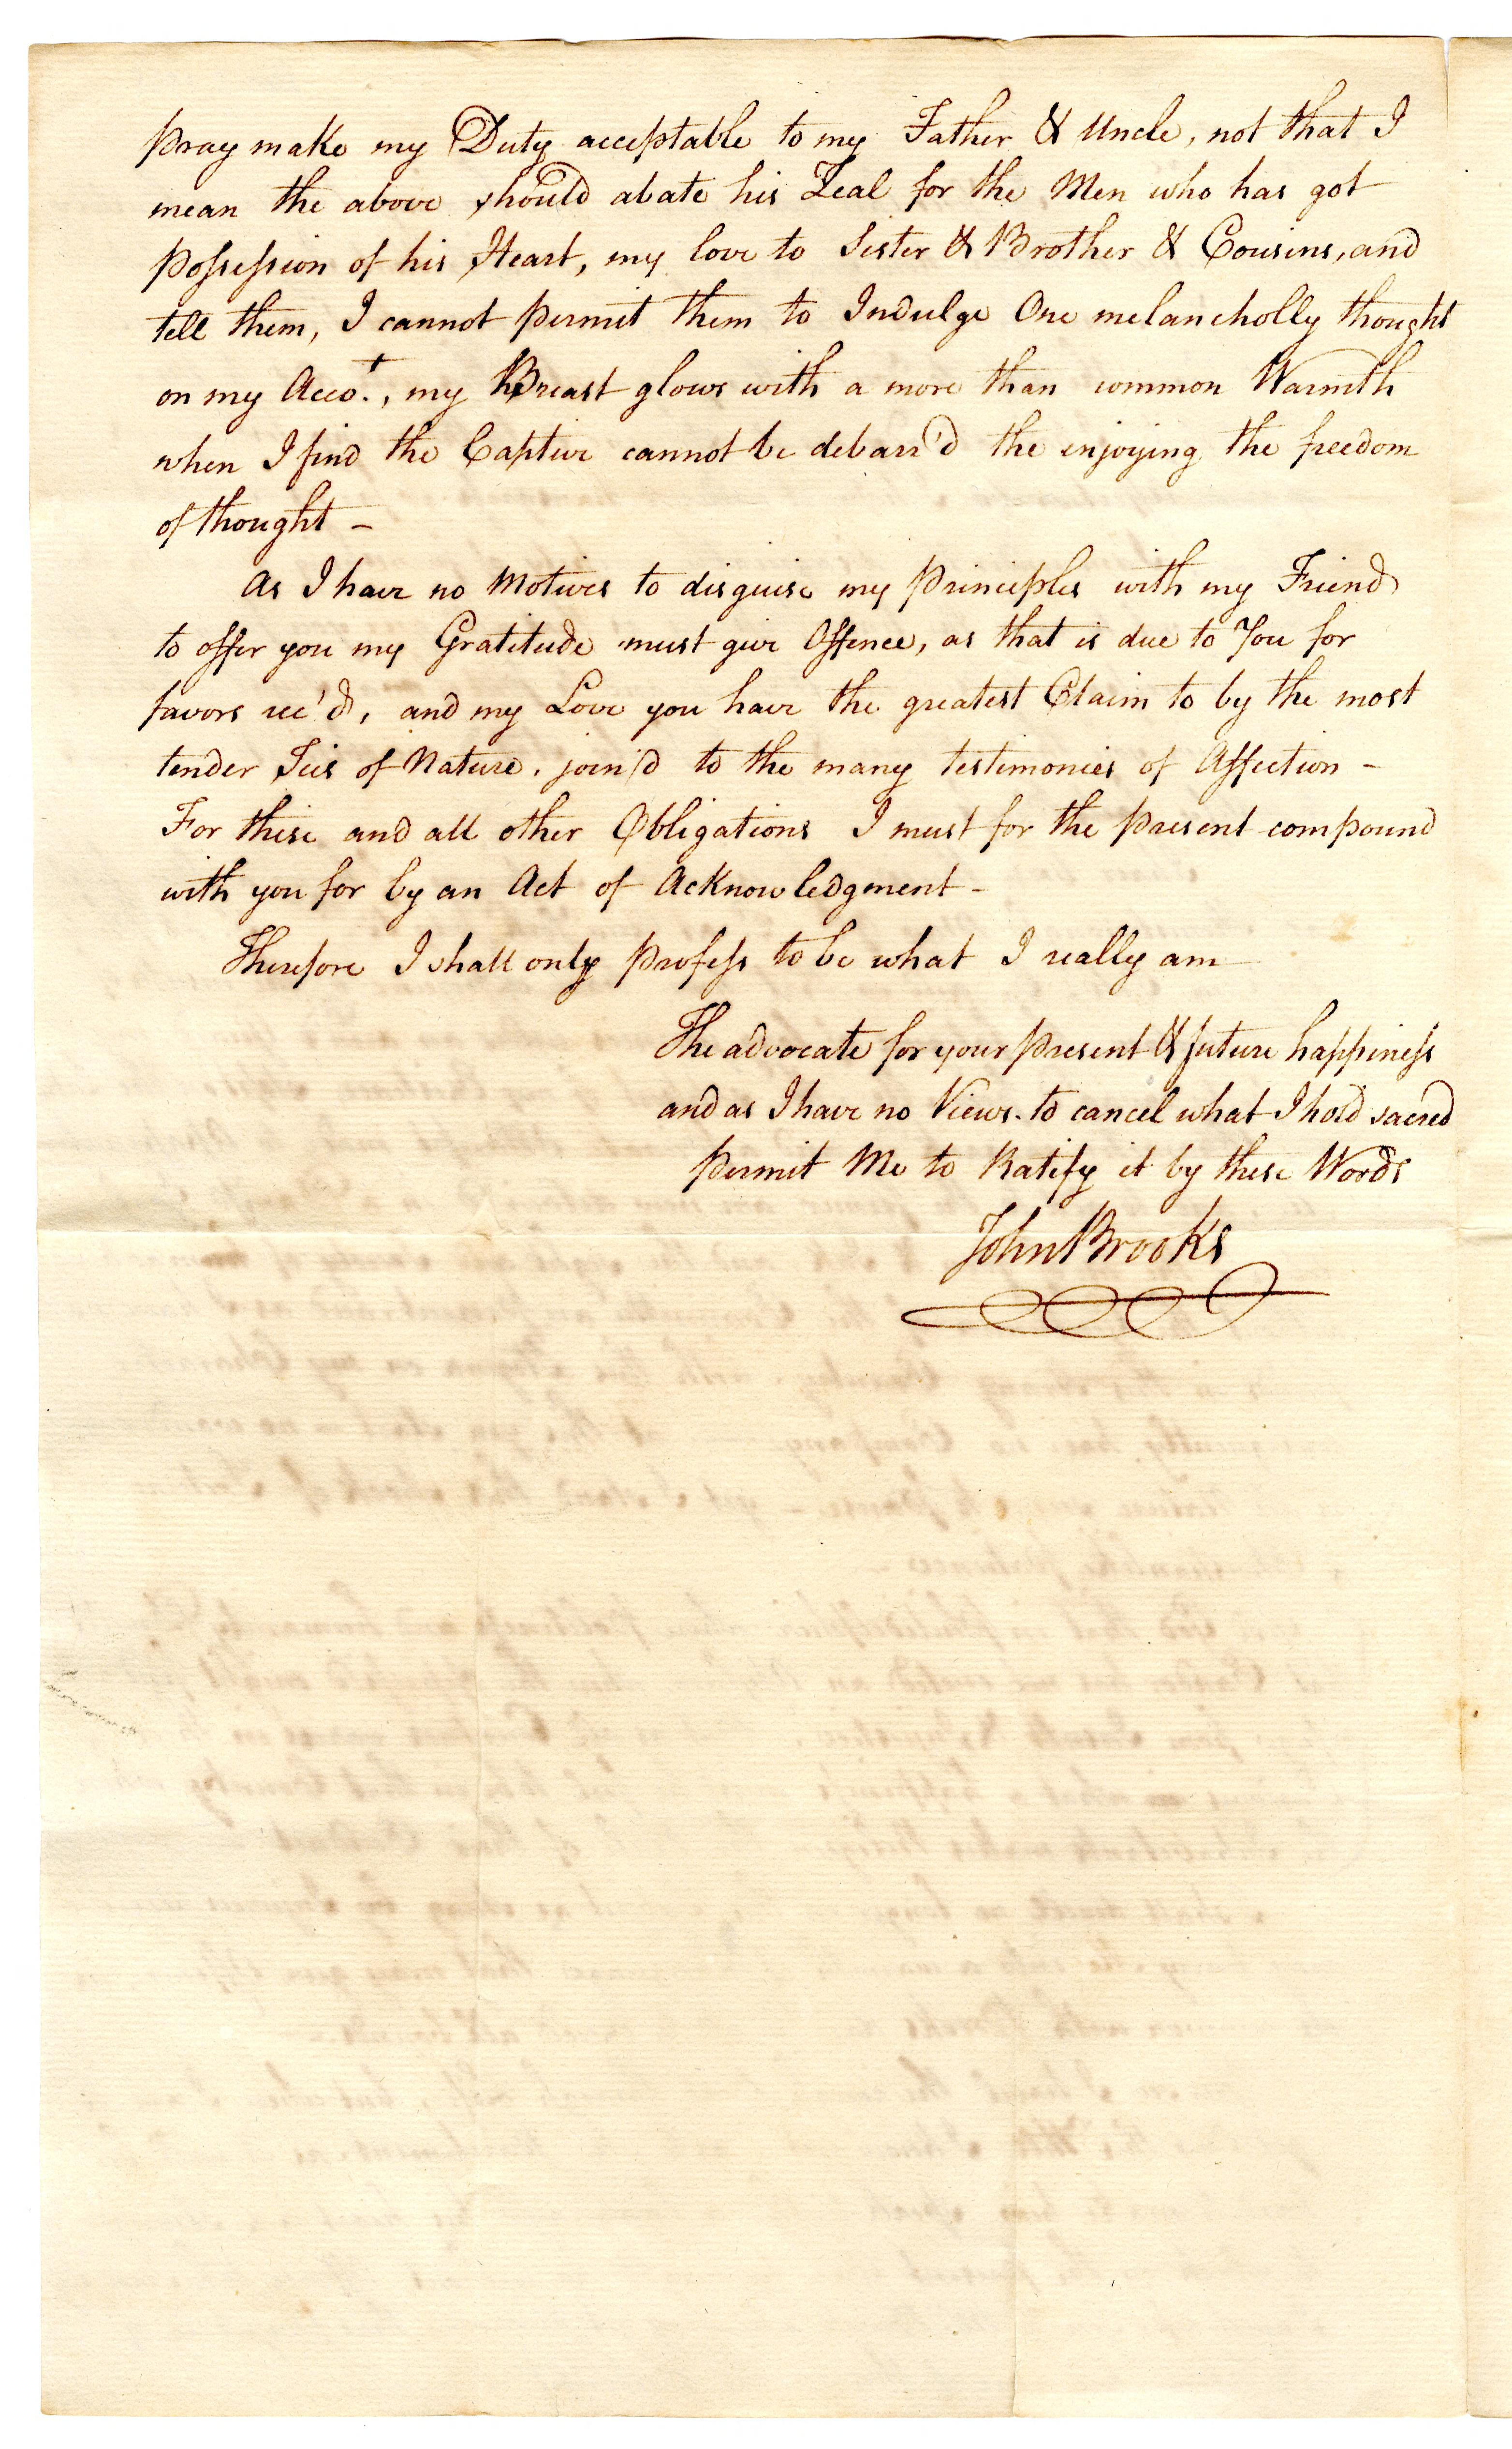pray make my Duty acceptable to my Father & Uncle, not that I
mean the above should abate his Zeal for the Men who has got
possession of his Heart, my love to Sister & Brother & Cousins, and
tell them, I cannot permit them to Indulge One melancholly thought
on my Acco^t, my Breast glows with a more than common Warmth
when I find the Captur cannot be debarr'd the enjoying the freedom
of thought.
As I have no motives to disguise my principles with my Friend
to offer you my Gratitude must give Offence, as that is due to You for
favors rec'd, and my Love you have the greatest Claim to by the most
tender Tuis of Nature, join'd to the many testimonies of Affection.
For thise and all other Obligations I must for the present compound
with you for by an Act of Acknowledgment.
Therefore I shall only profess to be what I really am
The advocate for your present & future happiness
and as I have no Views to cancel what I hold sacred
permit Me to Ratify it by these Words
John Brooks